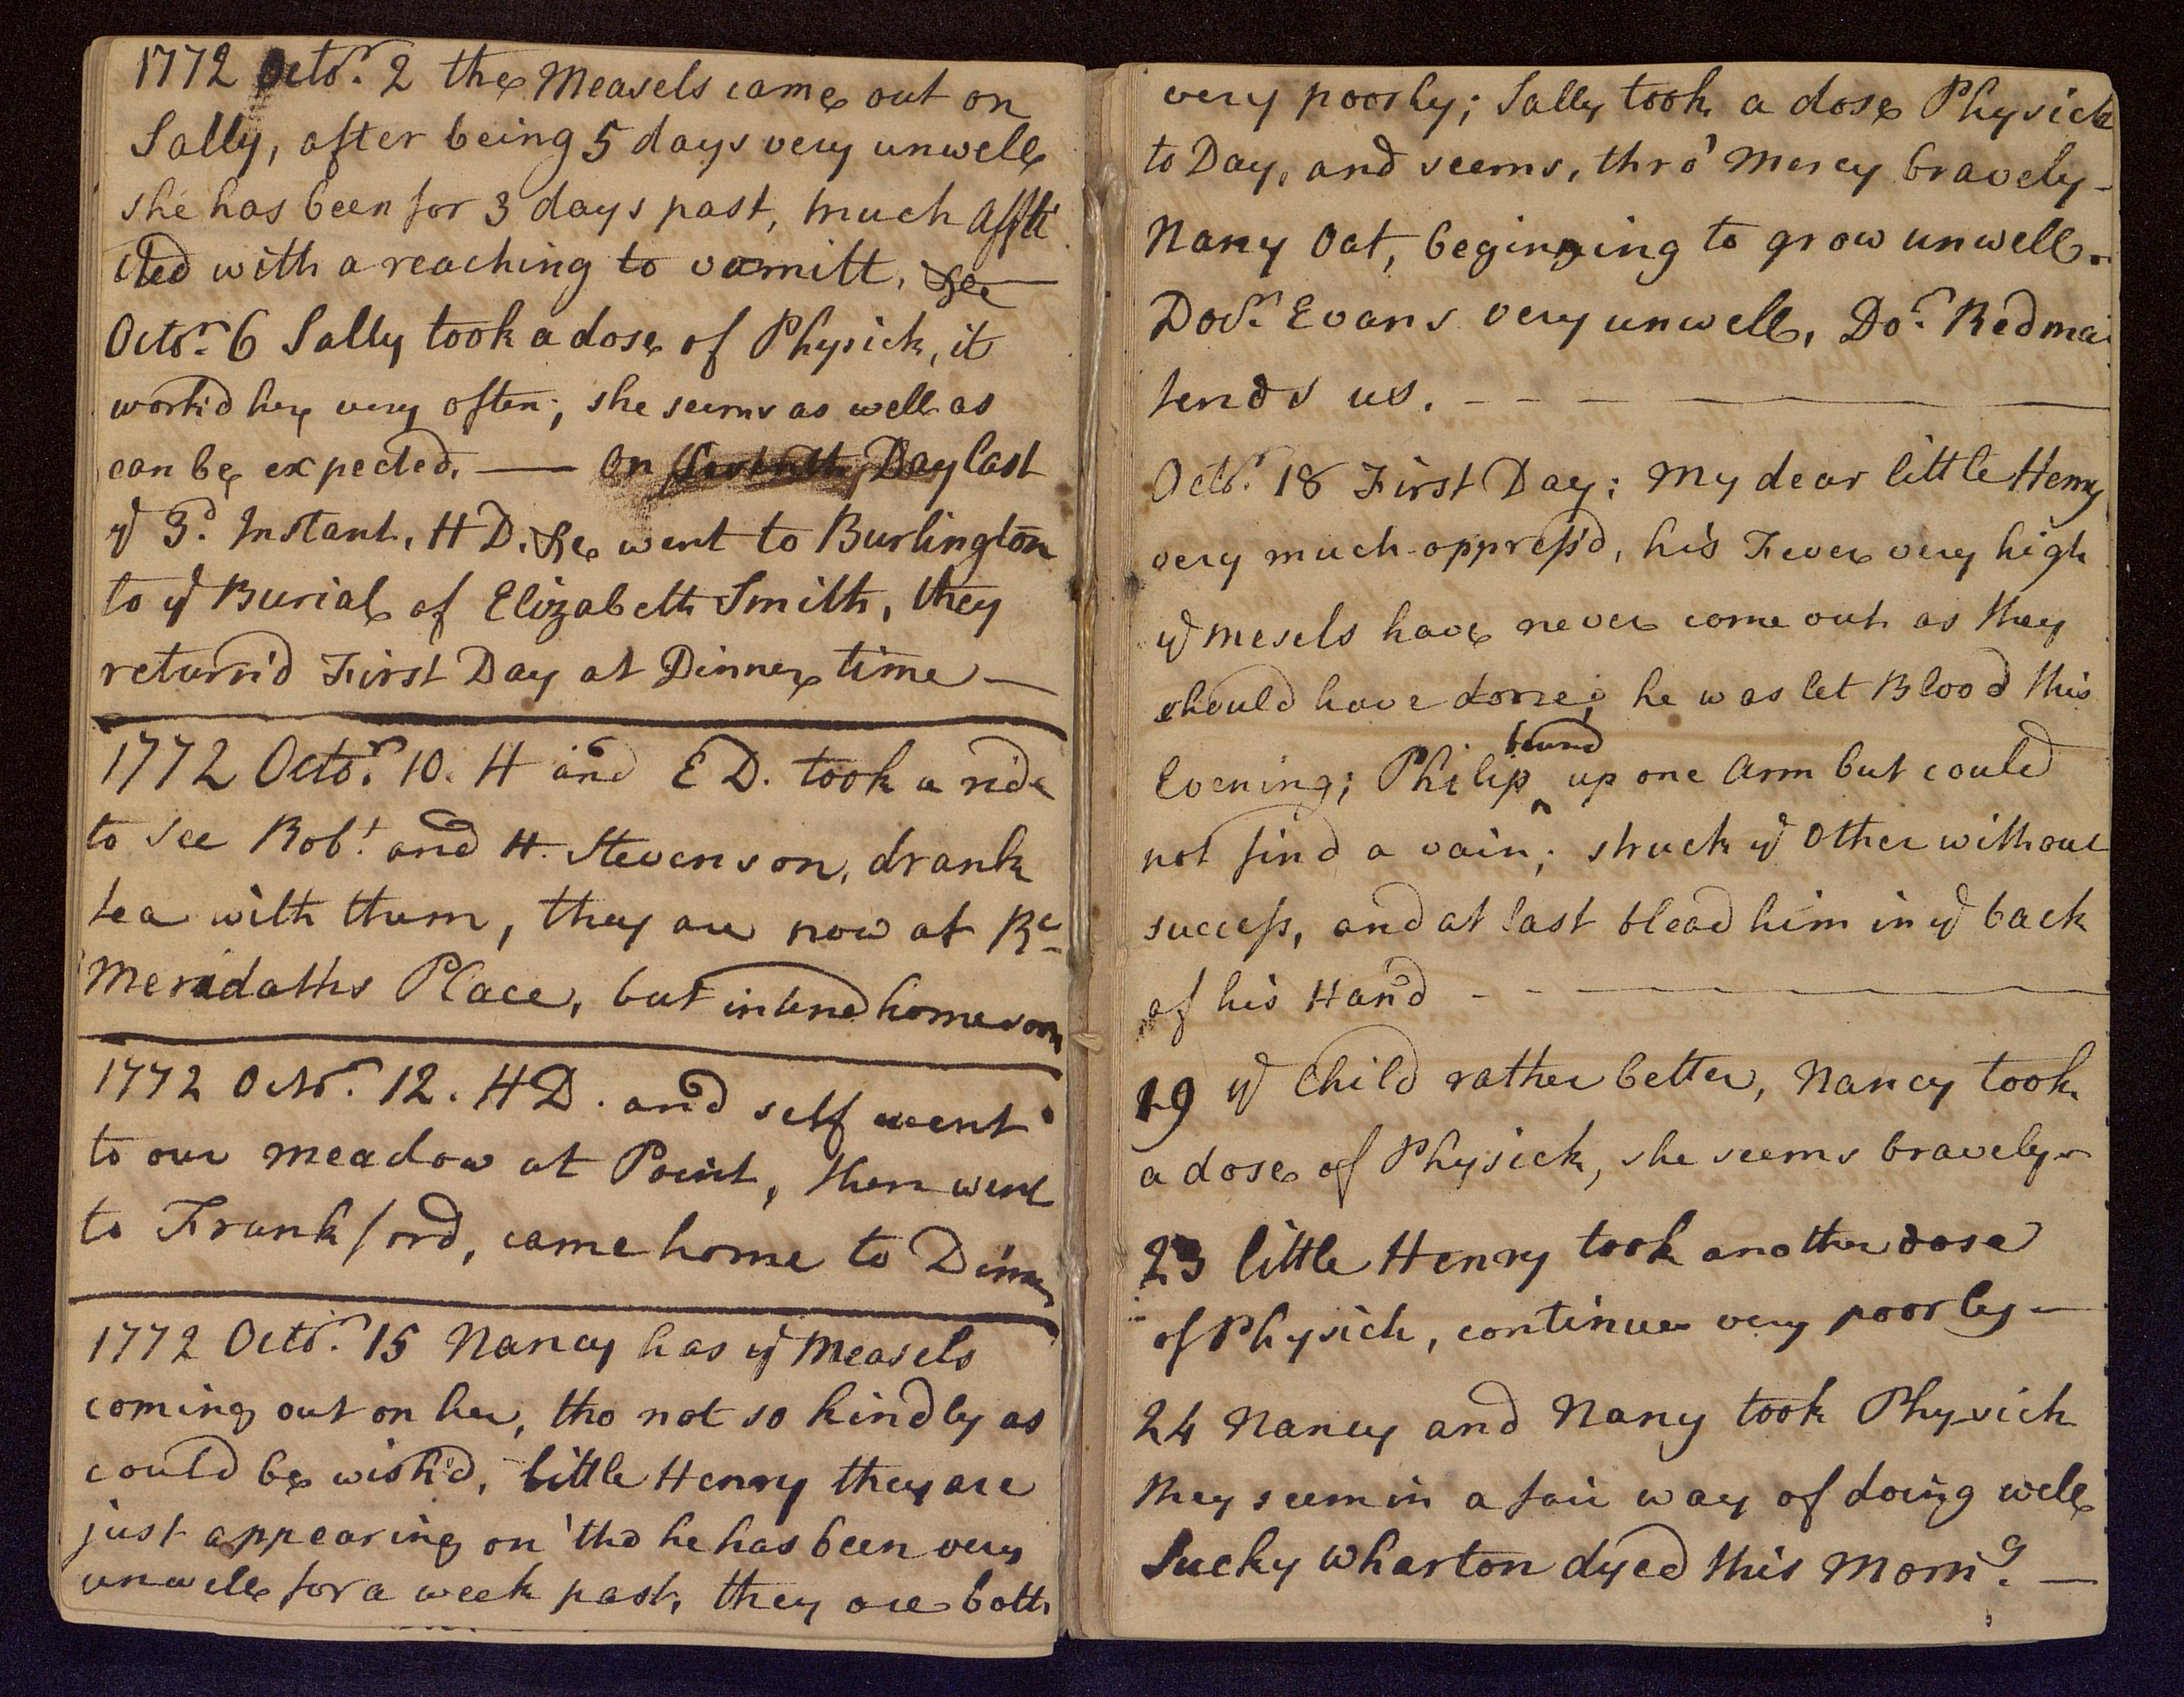1772 Octo^r. 2 the Measels came out on
Sally, after being 5 days very unwell
she has been for 3 days past, much Affti
cted with a reaching to vomitt, &c.-
Octo^r. 6 Sally took a dose of Physick, it
work'd here very often, she seems as well as
can be expected.- on [Seventh] Day last
y^e 3^d. Instant, HD. & c went to Burlington
to y^e Burial of Elizabeth Smith, they
return'd First Day at Dinner time-
1772 Octo^r. 10. H and ED. took a ride
to see Rob^t. and H. Stevenson, drank
tea with them, they are now at R^c
Meridaths Place, but intend home [soon]
1772 Octo^r. 12. HD. and self went
to our meadow at Point, Them went
to Frankford, came home to Dinnr
1772 Octo^r. 15 Nancy has y^e Measels
coming out on her, tho not so kindly as
could be wish'd, little Henry they are
just appearing on the 'tho he has been very
unwell for a week past, they are both
very poorly; Sally took a dose Physick
to Day, and seems, thro' Mercy bravely-
Nany Oat, beginging to grow unwell.
Doc^r. Evans very unwell, Do^r- Redma
tends us.-
Octo^r. 18 First Day: My dear little Henry
very much oppress'd, his Fever very high
y^e mesels have never come out as they
should have done; he was let Blood this
bound
Evening; Philip ^ up one Arm but could
not find a vain; struck y^e other without
success, and at last blead him in y^e back
of his Hand
19 y^e Child rather better, Nancy took
a dose of Physick, she seems bravely-
23 little Henry took another dose
of Physich, continue very poorly-
24 Nancy and Nany took Physich
they seem in a fair ways of doing well
Sucky Wharton dyed this Morn^g.-